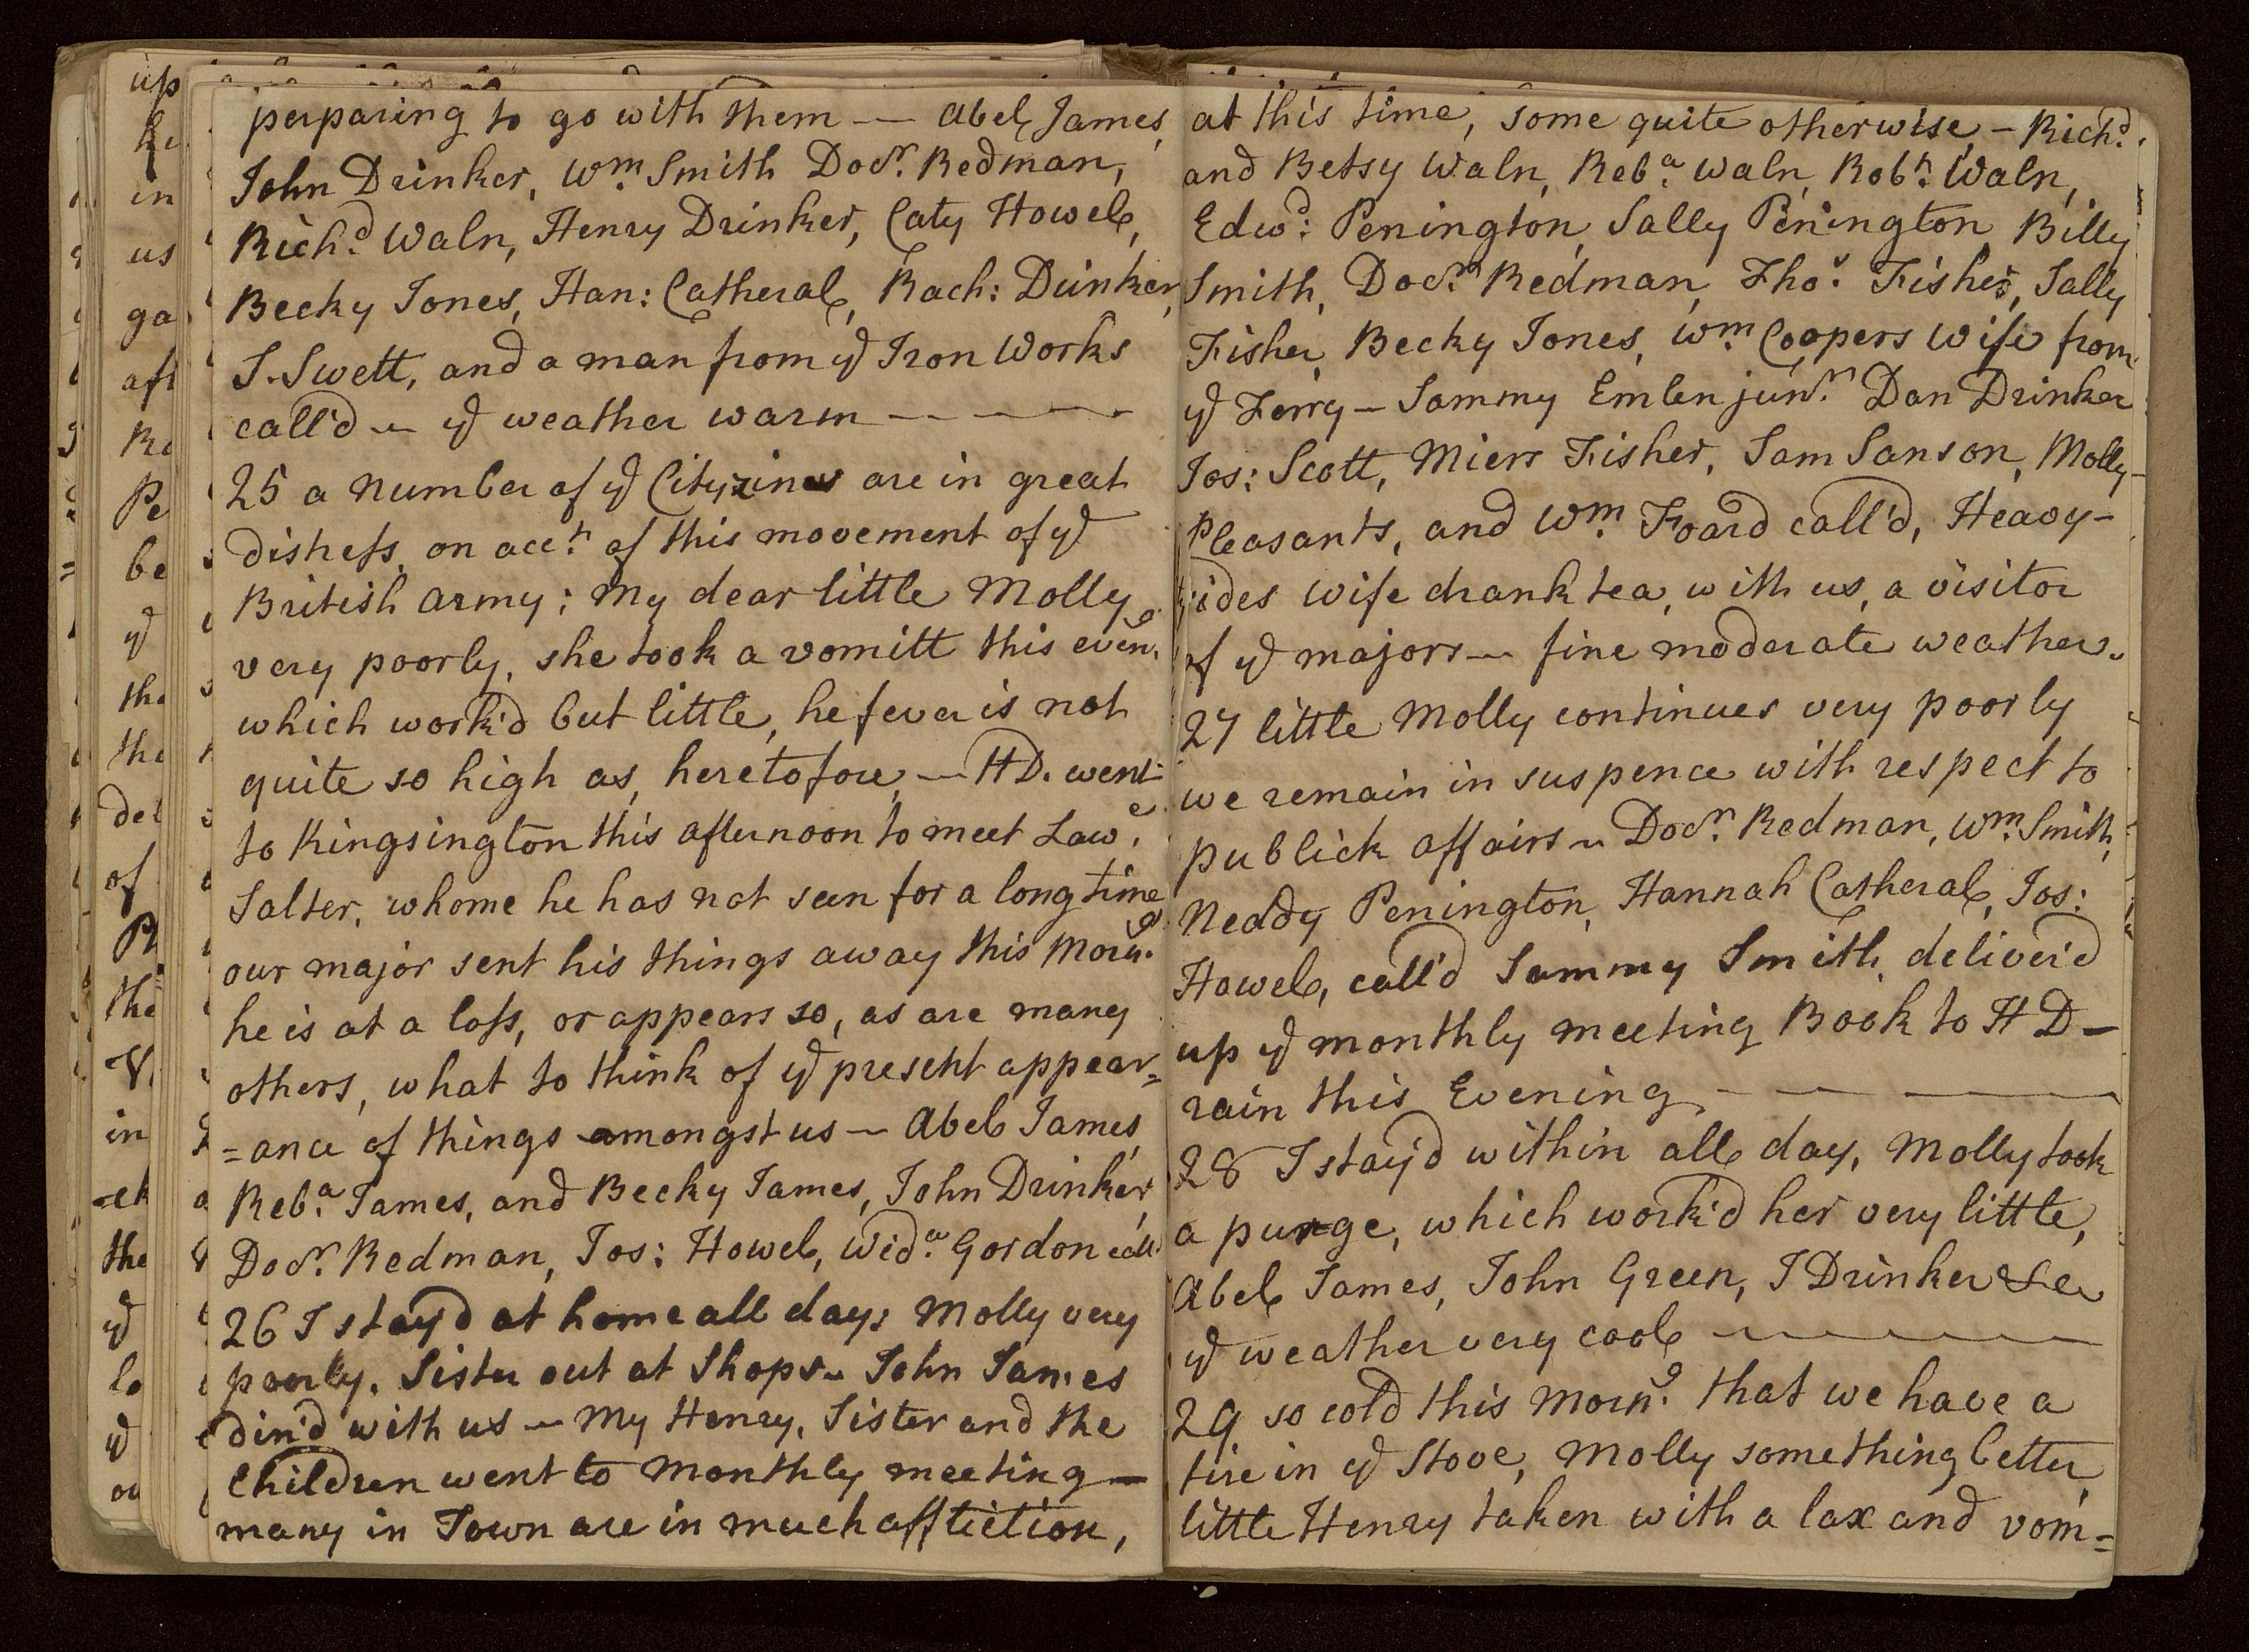perparing to go with them- Abel James,
John Drinker, W^m. Smith Doc^r. Redman,
Rich^d. Waln, Henry Drinker, Caty Howel,
Beeky Jones, Han: Catheral, Rach: Drinker,
S. Swett, and a man from y^e Iron Works
call'd- y^e weather warm---
25 a number of y^e Cityzins are in great
distress, on acc^t. of this movement of y^e
British Army; my dear little Molly
very poorly, she took a vomitt this even^g.
which work'd but little, he fever is not
quite so high as, heretofore,- HD. went
to Kingsington this afternoon to meet Law^e.
Salter, whome he has not seen for a long time
our major sent his things away this Morn^g.
he is at a loss, or appears so, as are many
others, what to think of y^e present appear-
-ance of things amongst us- Abel James,
Reb^a. James, and Becky James, John Drinker,
Doc^r. Redman, Jos: Howel, Wid^w. Gordon calld
26 I stay'd at home all day: Molly very
poorly, Sister out at Shops- John James
din'd with us- my Henry, Sister and the
Children went to monthly meeting-
many in Town are in much afftiction,
at this time, some quite otherwise- Rich^d.
and Betsy Waln, Reb^a. Waln, Rob^t. Waln,
Edw^d: Penington, Sally Penington, Billy
Smith, Doc^r. Redman, Tho^s. Fisher, Sally
Fisher, Becky Jones, W^m. Coopers Wife from
y^e Ferry- Sammy Emlen jun^r. Dan Drinker
Jos: Scott, Miers Fisher, Sam Sanson, Molly
Pleasants, and W^m. Foard call'd, Heavy-
ides Wife drank tea, with us, a visitor
of y^e majors- fine moderate weather.
27 little Molly continues very poorly
we remain in suspence with respect to
publick affairs- a Doc^r. Redman, W^m. Smith
Neddy Penington, Hannah Catheral, Jos:
Howels, call'd Sammy Smith, deliver'd
up y^e monthly meeting Book to H D-
rain this Evening
28 I stay'd within all day, Molly took
a purge, which work'd her very little,
Abel James, John Green, I Drinker &c
y^e weather very cool--
29 so cold this morn^g. that we have a
fire in y^e stove, Molly something better
little Henry taken with a lax and vom-